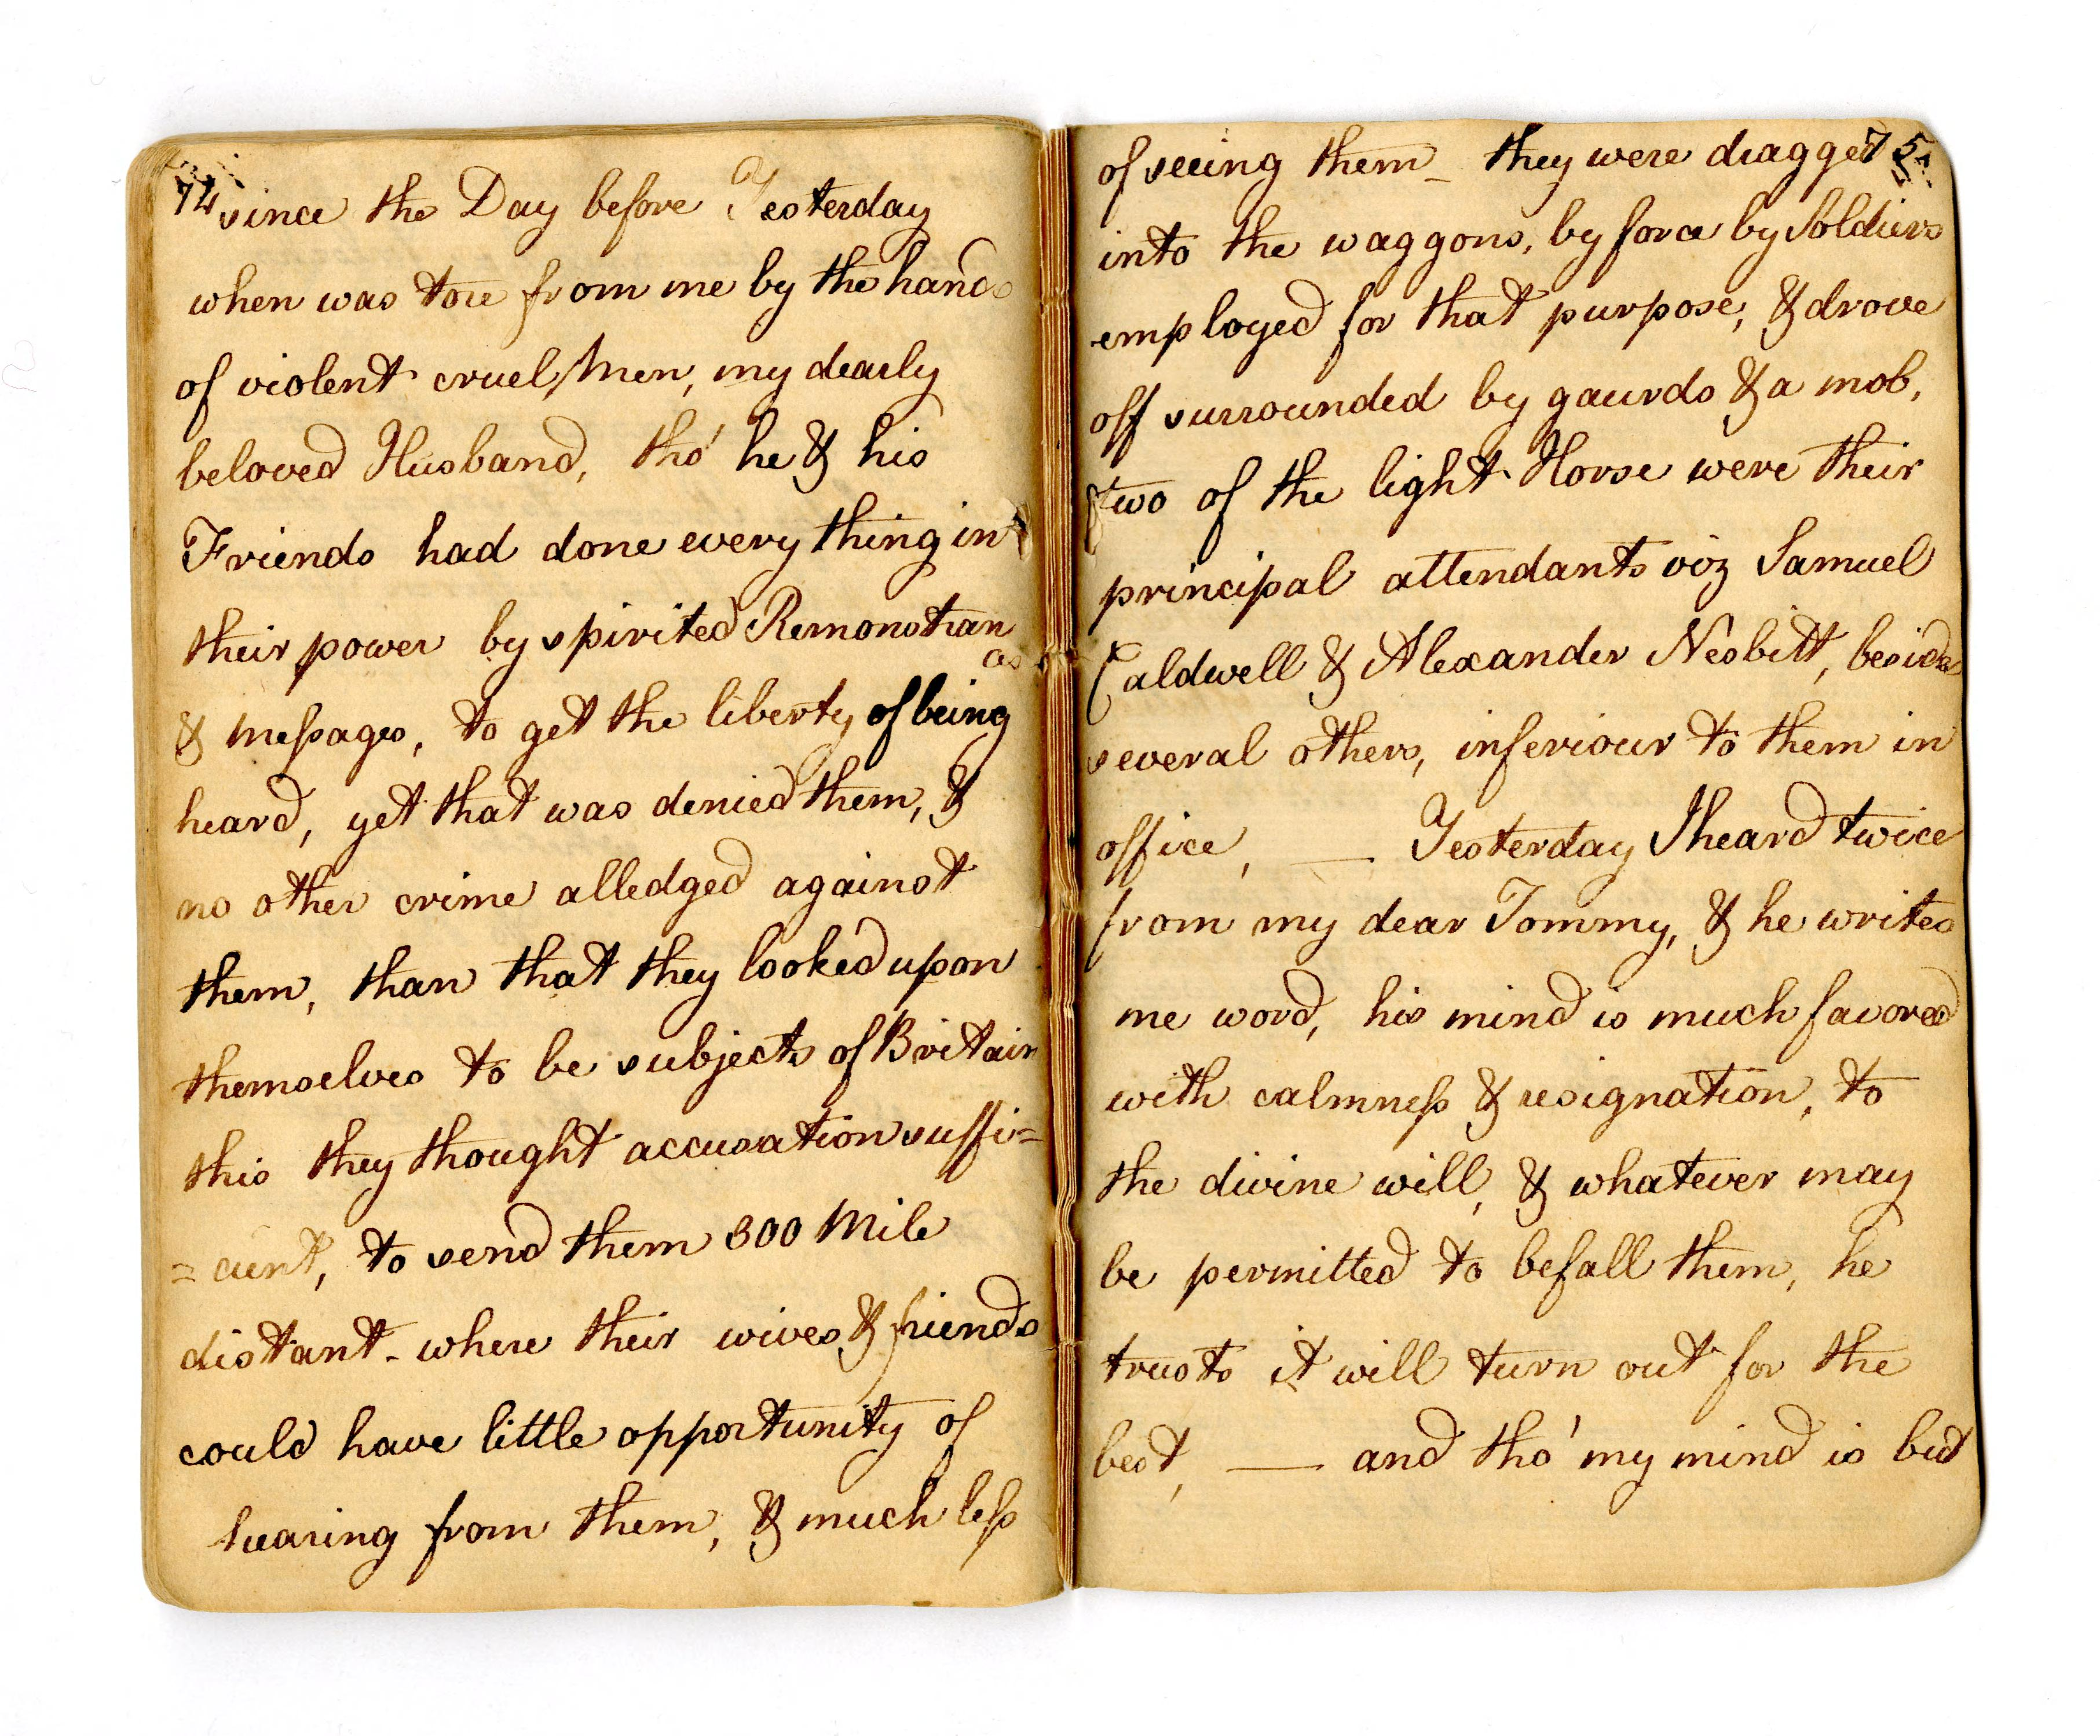since the Day before Yesterday
when was tore from me by the hands
of violent cruel Men, my dearly
beloved Husband, tho' he & his
Friends had done everything in
their power by spirited Remonstran
ces
& messages, to get the liberty of being
heard, yet that was denied them, &
no other crime alledged against
them, than that they looked upon
themselves to be subjects of Britain
this they thought accusation suffi-
-cient, to send them 300 Mile
distant. where their wives & friends
could have little opportunity of
hearing from them, & much less
of seeing them- they were dragged
into the waggons, by force by Soldiers
employed for that purpose, & drove
off surrounded by gaurds & a mob,
two of the light Horse were their
principal attendants viz Samuel
Caldwell & Alexander Nesbitt, beside
several others, inferiour to them in
office,- Yesterday, I heard twice
from my dear Tommy, & he writes
me word, his mind is much favored
with calmness & resignation, to
the divine will, & whatever may
be permitted to befall them, he
trusts it will turn out for the
best,- and tho' my mind is but